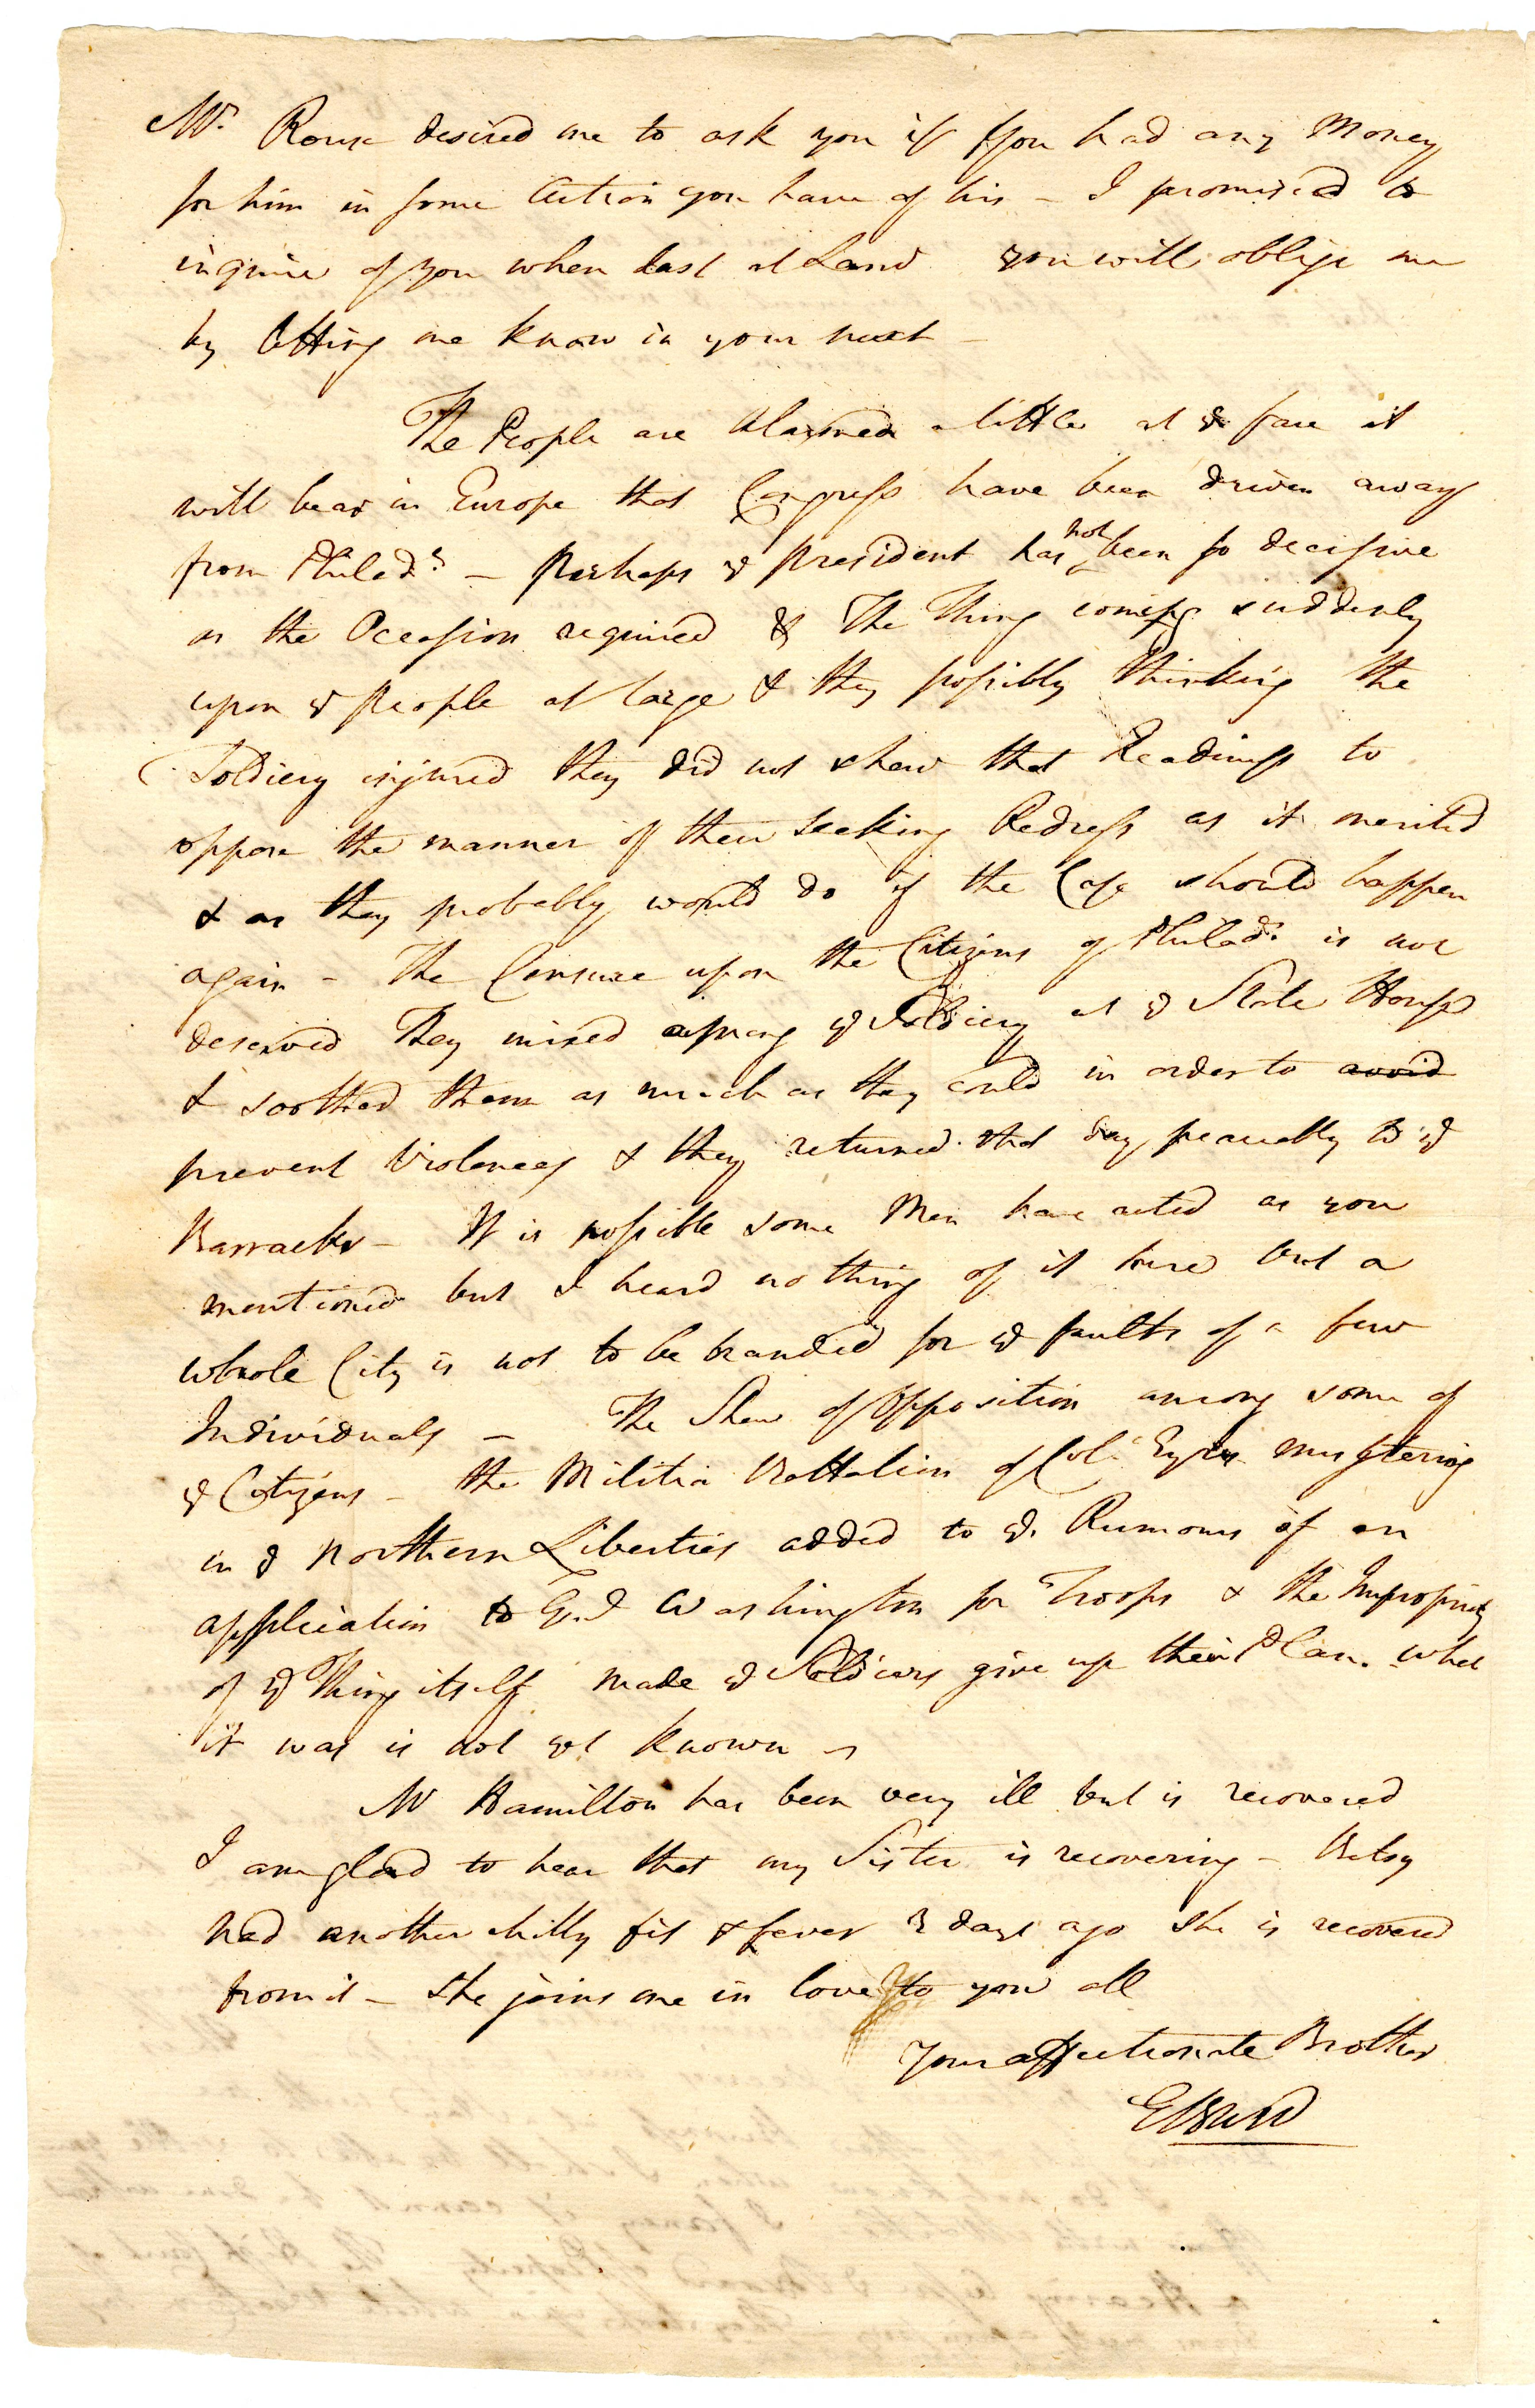M^r. Rouse desired me to ask you if you had any Money
for him in some Action you have of his. I promised to
inquire of you when last at Land you will oblige me
by letting me know in your next
The People are Alarmed a little at y^e fare at
will bear in Europe that Congress have been driven away
not
from Philad^a: Perhaps y^e president has ^ been so decisive
on the Occasion required & the Thing coming suddenly
upon y^e people at large & they possibly thinking the
Soldiery injured they did not shew that Readiness to
oppose the manner of then Seeking Redress as it merited
& as they probably would do if the Case should happen
again. The Censure upon the Citizens of Philad^a. is not
deserved. They mixed among y^e Soldiery at y^e State Houses
& soothed them as much as they could in order to avoid
prevent Violences & they returned that by peaceably w y^e
Karracbe- It is possible some Men hae rited as rou
mentioned but I heard no thing of it here but a
whole City is not to be branded for y^e faults of a few
Individuals. The Show of Opposition among some of
y^e Citizens- the Militia Battalion of Colo. Eyres mustering
in y^e Northern Liberties added to y^e Rumours of an
application to Gen^l Washington for Troops & the Impropriety
of y^e Thing itself made y^e Soldiers give up their Plan what
it was is not yet known.
M^r Hamilton has been very ill but is recovered
I am glad to hear that my Sister is recovering- Betsy
had another chilly fit & fever 3 days ago she is recovered
from it- She joins one in love to you all
Your affectionate Brother
E Burd